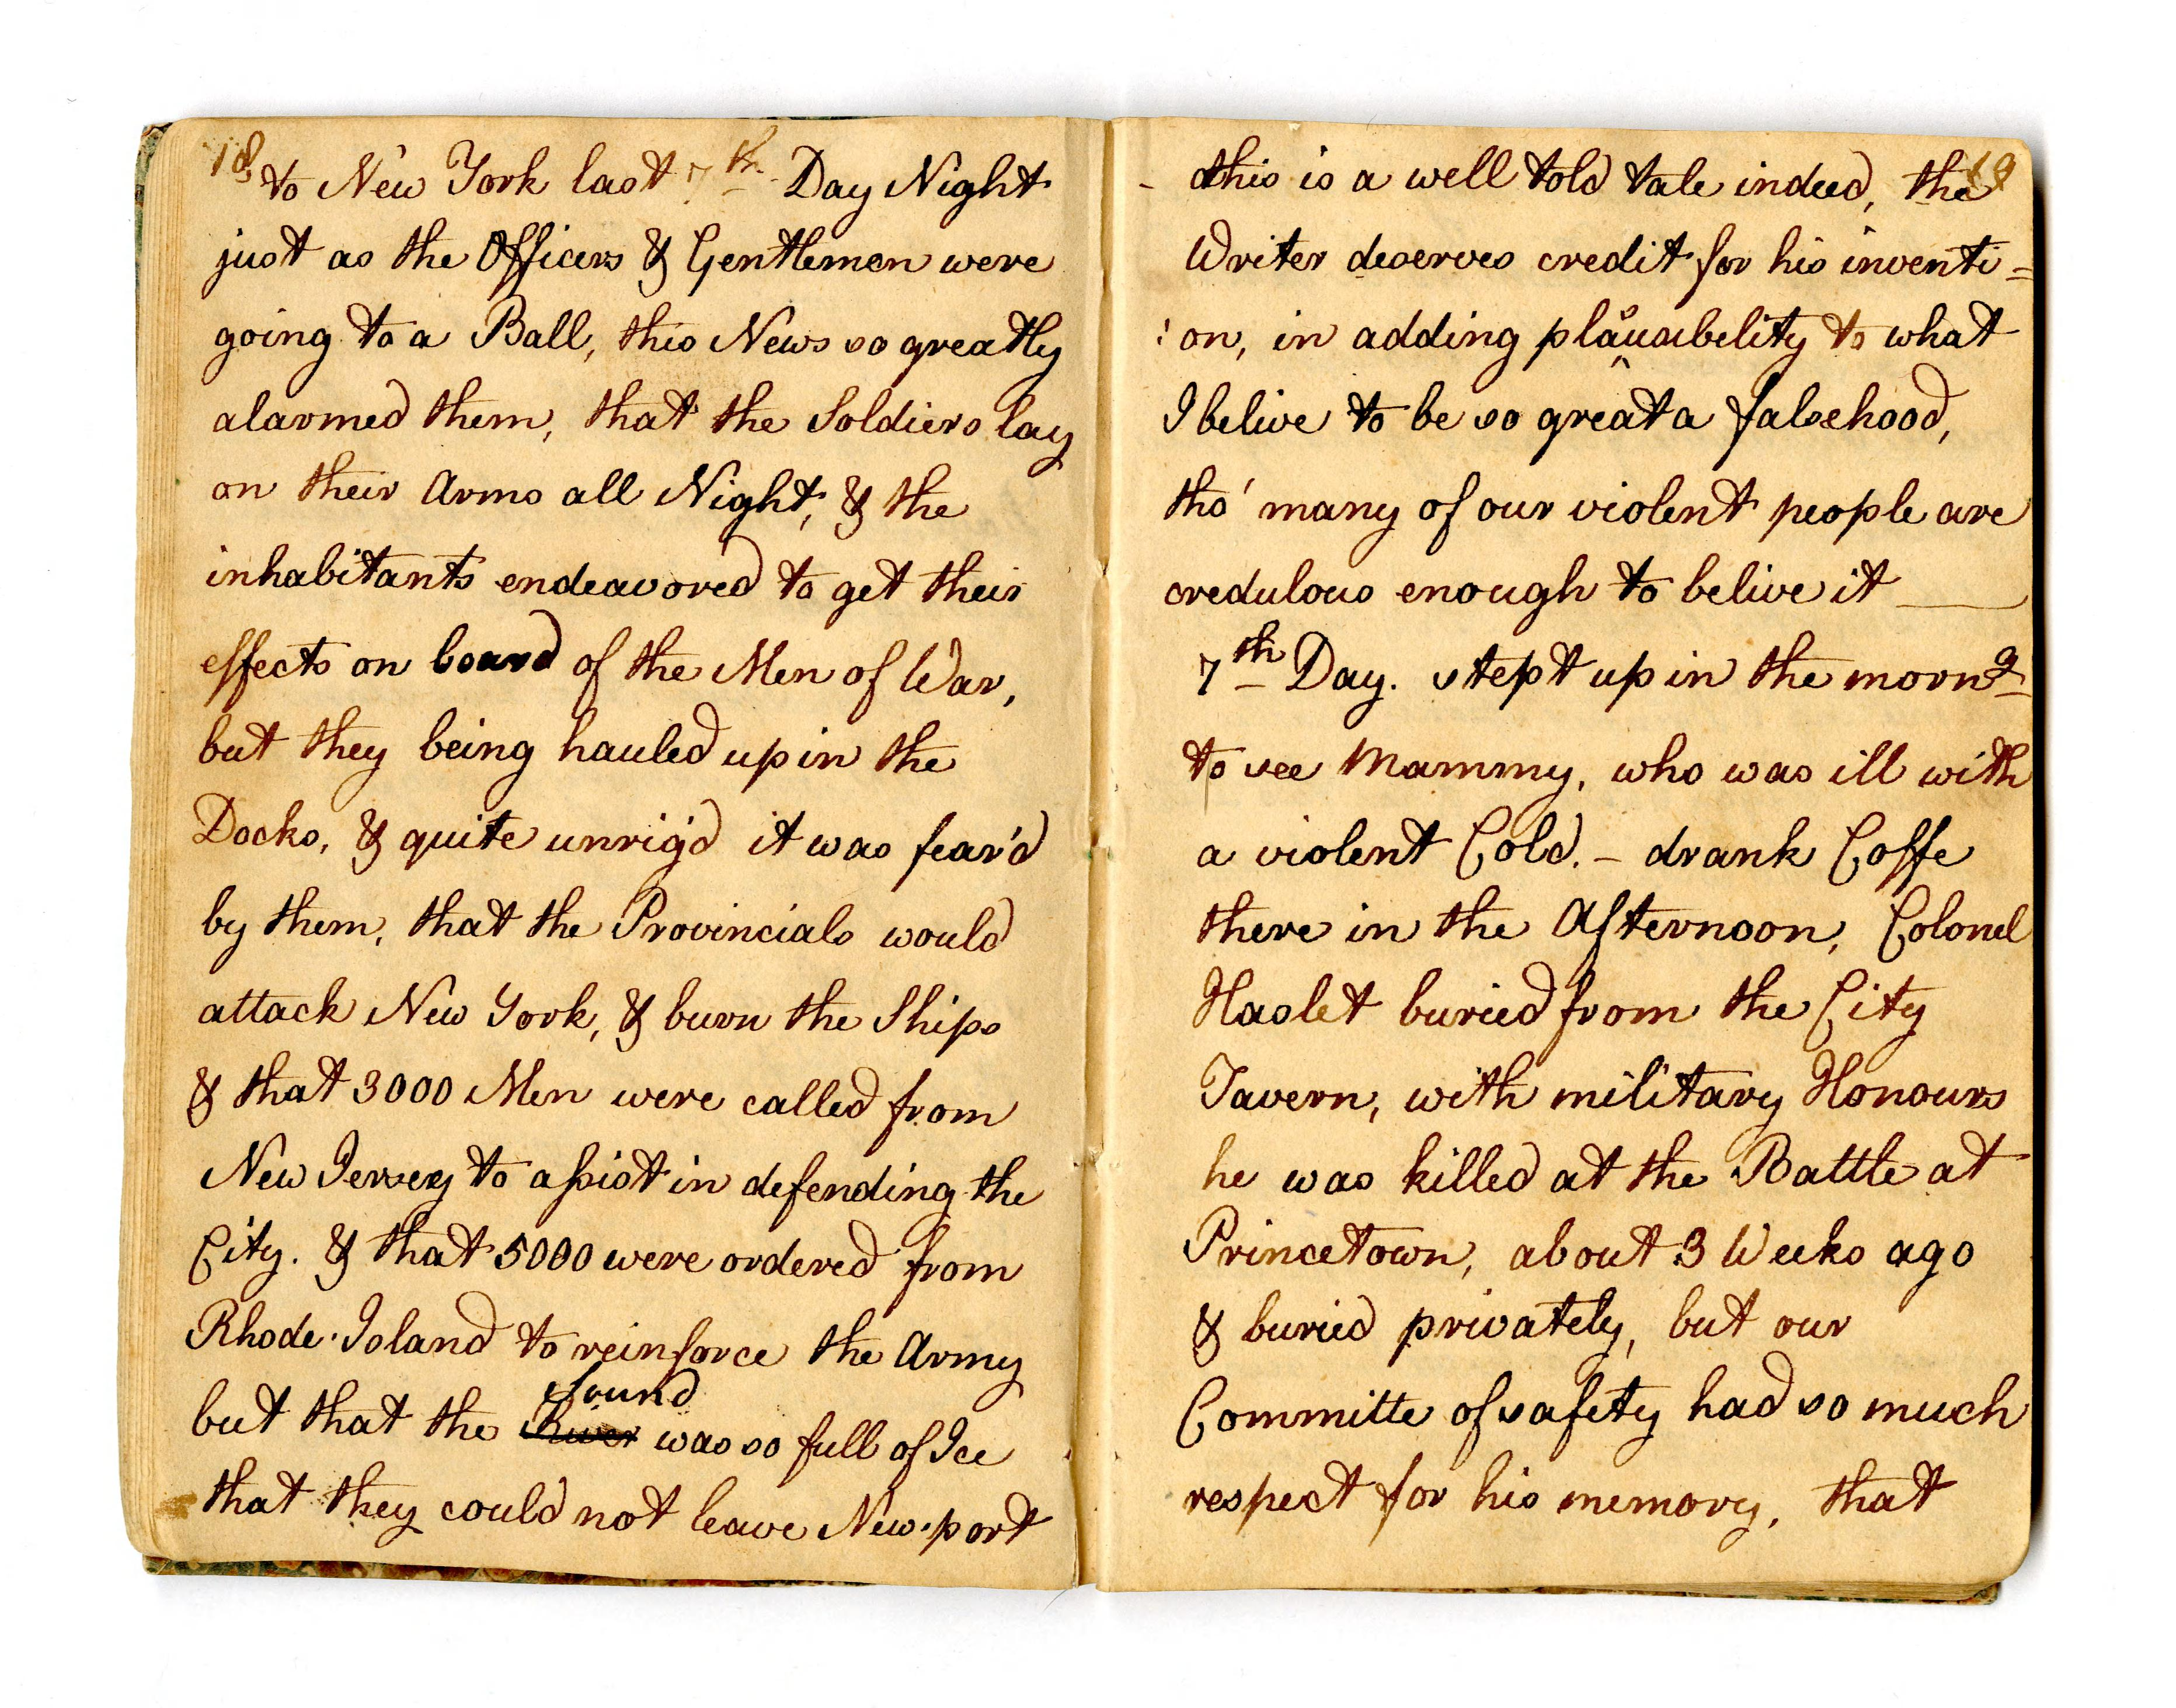to New York last 7^th Day Night
just as the Officers & Gentlemen were
going to a Ball, this News so greatly
alarmed them, that the Soldiers lay
on their Arms all Night, & the
inhabitants endeavored to get their
effects on board of the Men of War,
but they being hauled up in the
Docks, & quite unrig'd it was fear'd
by them, that the Provincials would
attack New York, & burn the Ships
& that 3000 Men were called from
New Jersey to assist in defending the
City. & that 5000 were ordered from
Rhode Island to reinforce the Army
sound
but that the [River] was so full of Ice
that they could not leave New-port
this is a well told tale indeed, the
Writer deserves credit for his inventi-
-on, in adding pla^susibility to what
I believe to be so great a falsehood,
tho' many of our violent people are
credulous enough to belive it -
7^th Day. stept up in the morn^g
to see Mammy, who was ill with
a violent Cold.- drank Coffe
there in the Afternoon, Colonel
Haslet buried from the City
Tavern, with military Honours
he was killed at the Battle at
Princetown, about 3 Weeks ago
& buried privately, but our
Committe of safety had so much
respect for his memory, that